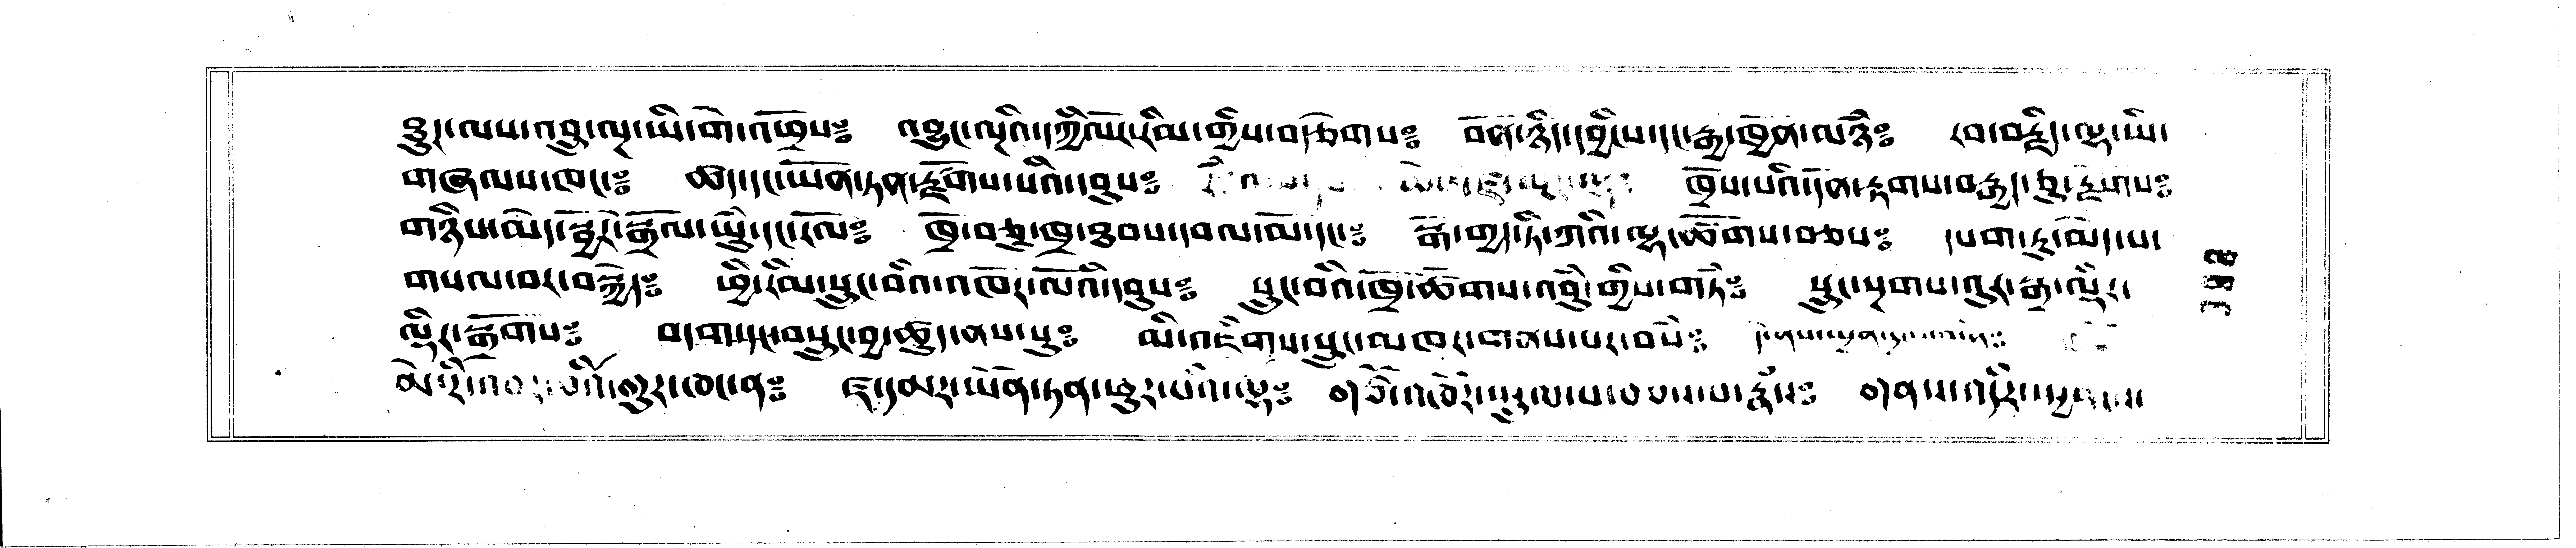ཐུགས་ལས་འབྲུ་ལྔ་ཡི་གེ་འཕྲོས༔ འབྱུང་ལྔའི་དཀྱིལ་འཁོར་རིམ་གྱིས་བརྩེགས༔ བོན་ཉིད་དབྱིངས་དང་རྒྱ་ཁྱོན་མཉམ༔ རབ་བརྗིད་ལྷ་ཡི་
གཞལ་ཡས་ཁང༔ ཚད་དང་ཡོན་ཏན་རྫོགས་པའི་དབུས༔ རཾ་ལས་དབལ་ཆེན་ཛྭོ་ཕུར་ལྷཿ ཁྲོས་པའི་དོན་རྟགས་བརྒྱད་ཅུ་རྫོགས༔ 
གཉིས་མེད་སྦྱོར་སྒྲོལ་ཡུམ་དང་རོལ༔ ཁྲོ་བཅུ་ཁྲ་ཐབས་དབལ་མོ་དང་༔ སྒོ་གྱད་ཏི་ཀའི་ལྷ་ཚོགས་བཅས༔ དཔག་ཏུ་མེད་པ་
གསལ་བར་བསྐྱེད༔ ཕྱི་རིམ་སྲུང་བའི་འཁོར་ལོའི་དབུས༔ སྲུང་བའི་ཁྲོ་ཚོགས་འབུམ་གྱིས་གཏམས༔ སྲུང་སྔགས་འུར་སྒྲ་ལྡིར་
ལྡིར་སྒྲོགས༔ བདག་དང་བསྲུང་བྱ་ཚུད་ནས་སུ༔ མི་འཇིགས་སྲུང་མཁར་གནས་པར་བསམ༔ དེ་ནས་སྤྱན་དྲངས་པ་ནི༔ 
མེ་རི་འབར་བའི་གུར་ཁང་ན༔ ཛྭ་དམར་ཡོན་ཏན་ཕུར་པའི་ལྷ༔ གཙོ་འཁོར་སྤྲུལ་པ་བཅས་པ་རྣམས༔ གནས་འདིར་སྤྱན་དྲངས༔